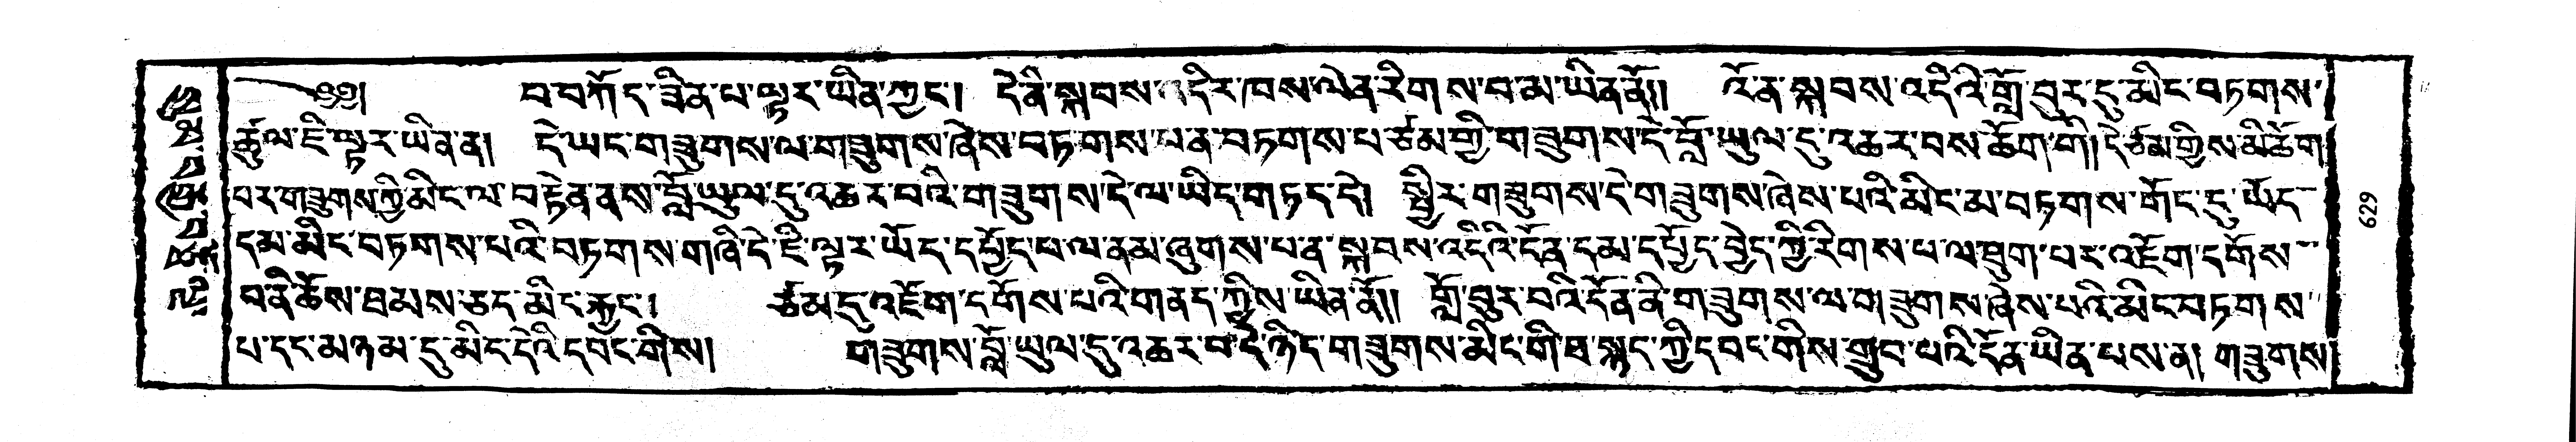༄༅། །པ་བཀོད་ཟིན་པ་ལྟར་ཡིན་ཀྱང་། དེ་ནི་སྐབས་འདིར་ཁས་ལེན་རིགས་པ་མ་ཡིན་ནོ། །འོ་ན་སྐབས་འདིའི་གློ་བུར་དུ་མིང་བཏགས་
ཚུལ་ཇི་ལྟར་ཡིན་ན། དེ་ཡང་གཟུགས་ལ་གཟུགས་ཞེས་བཏགས་པ་ན་བཏགས་པ་ཙམ་གྱི་གཟུགས་དེ་བློ་ཡུལ་དུ་འཆར་བས་ཆོག་གི། དེ་ཙམ་གྱིས་མི་ཆོག་
པར་གཟུགས་ཀྱི་མིང་ལ་བརྟེན་ནས་བློ་ཡུལ་དུ་འཆར་བའི་གཟུགས་དེ་ལ་ཡིད་གཏད་དེ། སྤྱིར་གཟུགས་དེ་གཟུགས་ཞེས་པའི་མིང་མ་བཏགས་གོང་དུ་ཡོད་
དམ་མིང་བཏགས་པའི་བཏགས་གཞི་དེ་ཇི་ལྟར་ཡོད་དཔྱོད་པ་ལ་ནམ་ཞུགས་པ་ན་སྐབས་འདིའི་དོན་དམ་དཔྱོད་བྱེད་ཀྱི་རིགས་པ་ལ་ཐུག་པར་འཇོག་དགོས་
པ་ནི་ཆོས་ཐམས་ཅད་མིང་རྐྱང་། ཙམ་དུ་འཇོག་དགོས་པའི་གནད་ཀྱིས་ཡིན་ནོ།། གློ་བུར་བའི་དོན་ནི་གཟུགས་ལ་གཟུགས་ཞེས་པའི་མིང་བཏགས་
པ་དང་མཉམ་དུ་མིང་དེའི་དབང་གིས། གཟུགས་བློ་ཡུལ་དུ་འཆར་བ་དེ་ཉིད་གཟུགས་མིང་གི་ཐ་སྙད་ཀྱི་དབང་གིས་གྲུབ་པའི་དོན་ཡིན་པས་ན། གཟུགས་